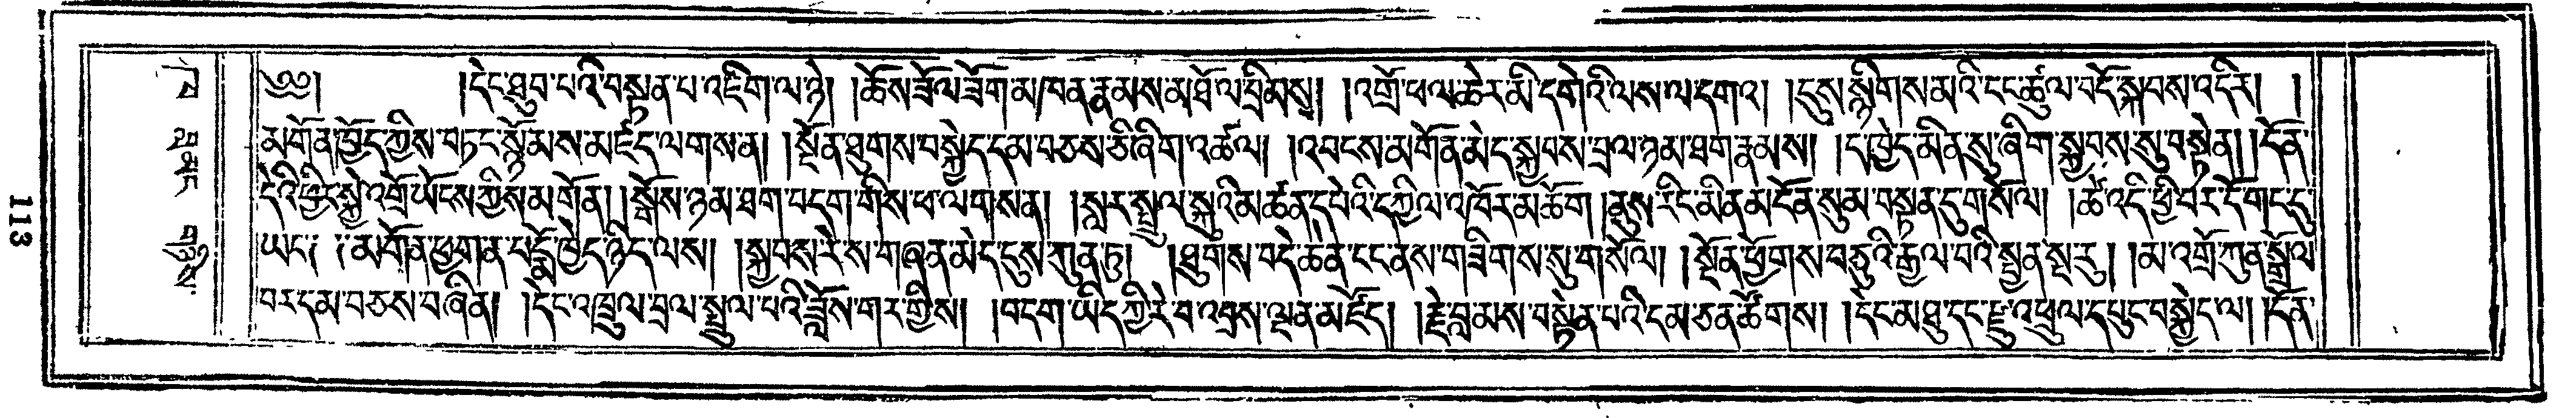༄༅། །དེང་ཐུབ་པའི་བསྟན་པ་འཇིག་ལ་ཉེ། །ཆོས་ཟོལ་ཟོག་མཁན་རྣམས་མཐོ་ལ་བྲིམས། །འགྲོ་ཕལ་ཆེར་མི་དགེའི་ལས་ལ་དགའ། །དུས་སྙིགས་མའི་ངང་ཚུལ་བདོ་སྐབས་འདིར། །
མགོན་ཁྱོད་ཀྱིས་བཏང་སྙོམས་མཛད་ལགས་ན། །སྔོན་ཐུགས་བསྐྱེད་དམ་བཅས་ཅི་ཞིག་འཚལ། །འབངས་མགོན་མེད་སྐྱབས་བྲལ་ཉམ་ཐག་རྣམས། །ད་ཁྱེད་མིན་སུ་ཞིག་སྐྱབས་སུ་བསྟེན། །དོན་
དེའི་ཕྱིར་སྐྱེ་འགྲོ་ཡོངས་ཀྱིས་མགོན། །སྒོས་ཉམ་ཐག་བདག་གིས་ཕ་ལགས་ན། །སླར་སྤྲུལ་སྐུའི་མཚན་དཔེའི་དཀྱིལ་འཁོར་མཆོག །ནུས་རིང་མིན་མངོན་སུམ་བསྟན་དུ་གསོལ། །ཚེ་འདི་ཕྱི་བར་དོ་གང་དུ་
ཡང༑ ༑མགོན་ཕྱག་ན་པདམོ་ཁྱེད་ཉིད་ལས། །སྐྱབས་རེ་ས་གཞན་མེད་དུས་ཀུན་ཏུ། །ཐུགས་བདེ་ཆེན་ངང་ནས་གཟིགས་སུ་གསོལ། །སྔོན་ཕྱོགས་བཅུའི་རྒྱལ་བའི་སྤྱན་སྔ་རུ། །མ་འགྲོ་ཀུན་སྒྲོལ་
བར་དམ་བཅས་བཞིན། །དེང་འཁྲུལ་བྲལ་སྤྲུལ་པའི་ཟློས་གར་གྱིས། །བདག་ཡིད་ཀྱི་རེ་བ་འབྲས་ལྡན་མཛོད། །རྗེ་བླ་མས་བསྟེན་པའི་དམ་ཅན་ཚོགས། །དེང་མཐུ་དང་རྫུ་འཕྲུལ་དཔུང་བསྐྱེད་ལ། །དོན་